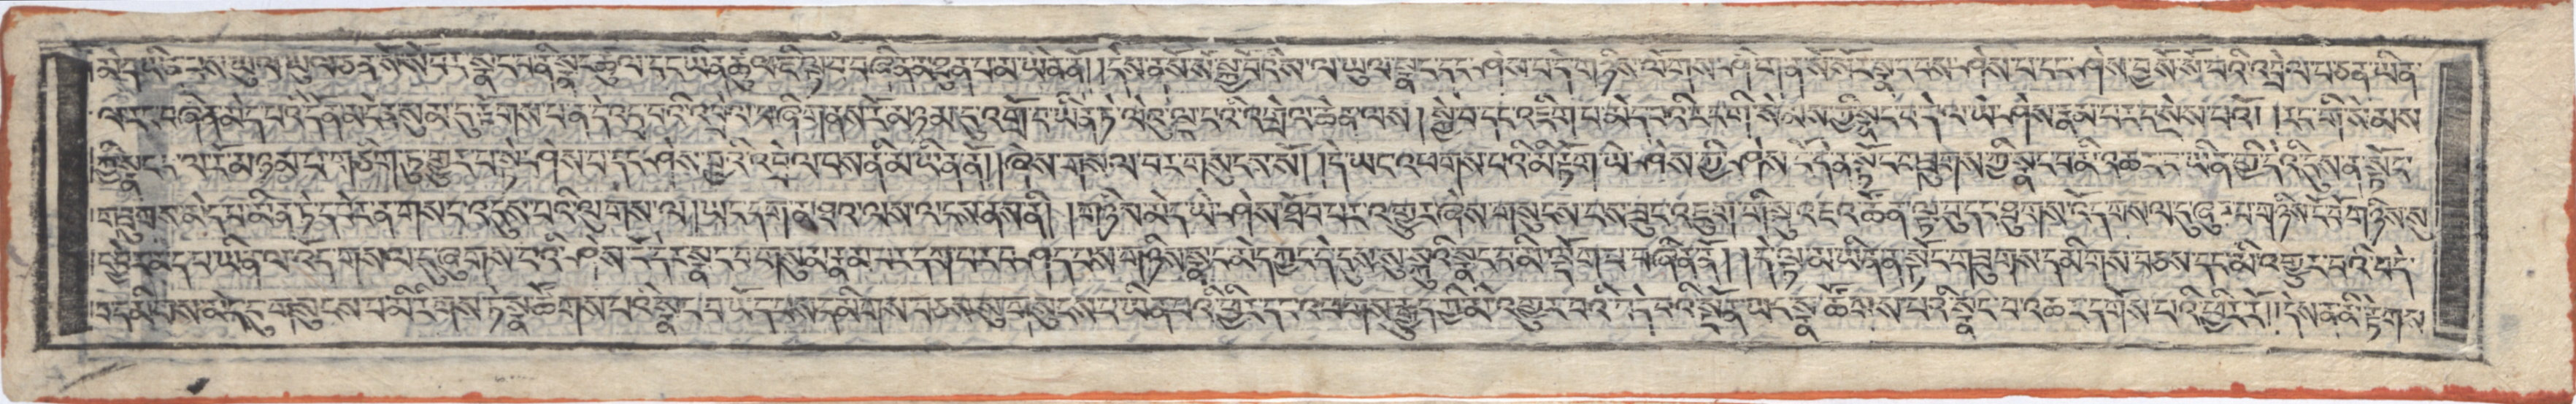མེད་ཡིན་པས་ཡུལ་ཡུལ་ཅན་སོ་སོ་བར་སྣང་བ་ནི་སྣང་ཚུལ་དང་ཡིན་ཚུལ་ཇི་ལྟ་བ་བཞིན་མཐུན་པ་མ་ཡིན་ནོ། །དེས་ན་སོ་སོ་སྐྱེ་བོའི་ས་ལ་ཡུལ་སྣང་དང་ཤེས་པ་དེ་གཉིས་ལོགས་ཤིག་ན་སོ་སོར་སྣང་བས་ཤེས་པ་དང་ཤེས་བྱ་སོ་སོ་བའི་འབྲེལ་པ་ཅན་ཡིན་
ལ་རང་བཞིན་མེད་པའི་དོན་མངོན་སུམ་དུ་རྟོགས་པ་ན་དེ་འདྲ་བའི་འབྲེལ་པ་ཞིག་ནས་རོ་མཉམ་དུ་འགྲོ་བ་ཡིན་ཏེ་ལེའུ་ལྔ་པའི་འགྲེལ་ཆེན་ལས། སྐྱེ་བ་དང་འཇིག་པ་མེད་པའི་རང་གི་སེམས་ཀྱི་སྣང་བ་དེ་ལ་ཡེ་ཤེས་རྣམ་པར་བསྲེས་པའོ། །རང་གི་སེམས་
ཀྱི་སྣང་བ་ལ་རོ་མཉམ་པ་གཅིག་ཏུ་གྱུར་པ་སྟེ་ཤེས་པ་དང་ཤེས་བྱའི་འབྲེལ་པས་ནི་མ་ཡིན་ནོ། །ཞེས་གསལ་བར་གསུངས་སོ། །དེ་ཡང་འཕགས་པའི་མི་རྟོག་ཡེ་ཤེས་ཀྱི་ཤེས་དོ་དེ་ན་སྟོང་གཟུགས་ཀྱི་སྣང་བ་མི་འཆར་བ་ཡིན་གྱི་དེའི་དུས་ན་སྟོང་
གཟུགས་མེད་པ་མིན་ཏེ་དཔེར་ན་གསང་འདུས་པའི་ལུགས་ལ། ཡང་དག་མཐའ་ལས་ལངས་ནས་ནི། །གཉིས་མེད་ཡེ་ཤེས་ཐོབ་པར་འགྱུར་ཞེས་གསུངས་པས་ཟུང་འཇུག་གི་སྐུ་འཇའ་ཚོན་ལྟ་བུ་དང་ཐུགས་འོད་གསལ་དུ་ཞུགས་པ་གཉིས་ངོ་བོ་གཉིས་སུ་
དབྱེར་མེད་པ་ཡིན་ལ་འོད་གསལ་དུ་ཞུགས་པའི་ཤེས་ངོ་དེར་སྣང་བ་གསུམ་རྣམ་པར་དག་པར་བཤད་པས་གཉིས་སྣང་མེད་ཀྱང་དེ་དུས་སུ་སྐུའི་སྣང་བ་མི་ལྡོག་པ་བཞིན་ནོ། །དེ་ལྟ་མ་ཡིན་ན་སྟོང་གཟུགས་དམིགས་བཅས་དང་མི་འགྱུར་བའི་བདེ་
བ་དམིགས་མེད་དུ་གསུངས་པ་མི་རིགས་ཏེ་སྣ་ཚོགས་པའི་སྣང་བ་ཡོད་པས་དམིགས་བཅས་སུ་གསུངས་པ་ཡིན་པའི་ཕྱིར་དང་འཕགས་རྒྱུད་ཀྱི་མི་འགྱུར་བའི་བདེ་བའི་སྔོན་ཡང་སྣ་ཚོགས་པའི་སྣང་བ་འཆར་དགོས་པའི་ཕྱིར་རོ། །དེས་ན་མི་རྟོགས་